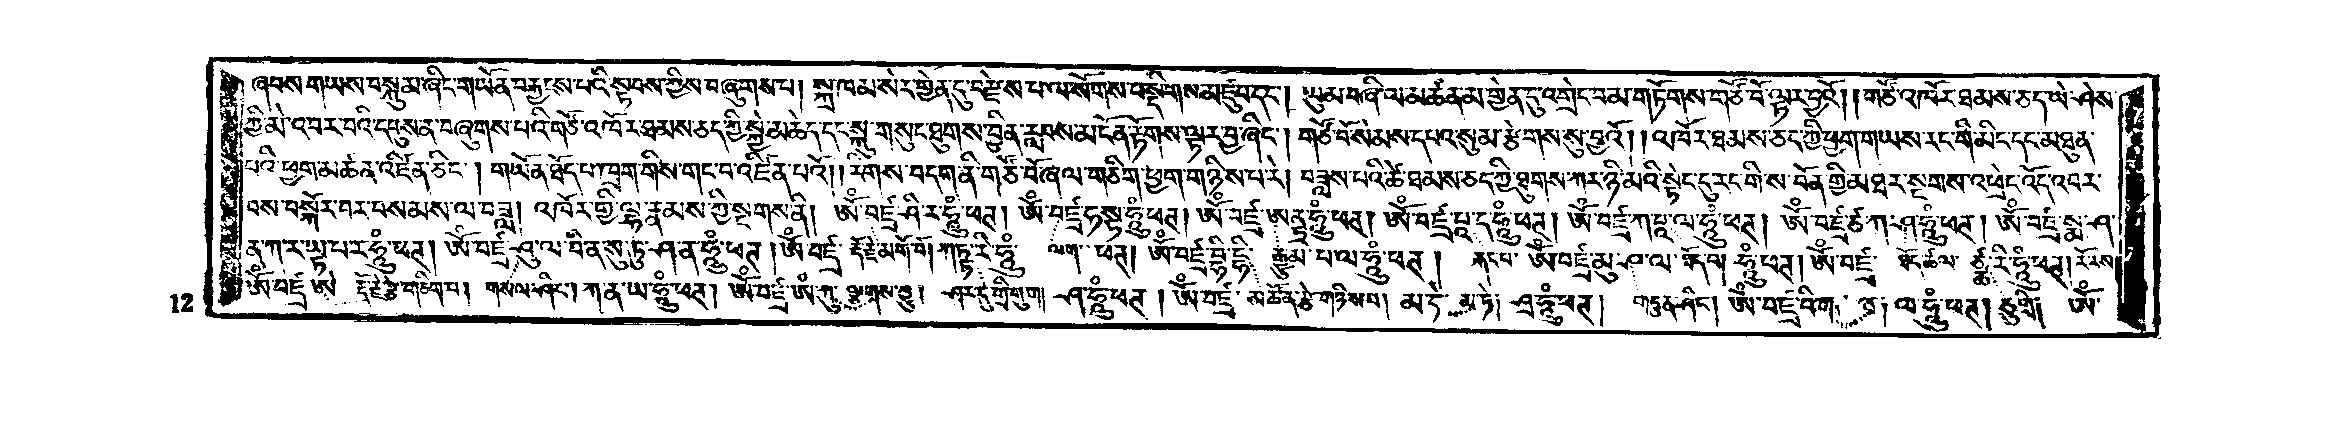ཞབས་གཡས་བསྐུམ་ཞིང་གཡོན་བརྐྱངས་པའི་སྟབས་ཀྱིས་བཞུགས་པ། སྐྲ་ཁམ་སེར་གྱེན་དུ་བརྫེས་པ་ལ་སོགས་པ་སྡིགས་མཛུབ་དང་། ཡུམ་བཞི་ལ་མཚན་མ་གྱེན་དུ་འགྲེང་བ་མ་གཏོགས་གཙོ་བོ་ལྟར་བྱའོ། །གཙོ་འཁོར་ཐམས་ཅད་ཡེ་ཤེས་
ཀྱི་མེ་འབར་བའི་དབུས་ན་བཞུགས་པའི་གཙོ་འཁོར་ཐམས་ཅད་ཀྱི་སྐྱེ་མཆེད་དང་སྐུ་གསུང་ཐུགས་བྱིན་རླབས་མངོན་རྟོགས་ལྟར་བྱ་ཞིང་། གཙོ་བོ་སེམས་དཔའ་སུམ་རྩེགས་སུ་བྱའོ། །འཁོར་ཐམས་ཅད་ཀྱི་ཕྱག་གཡས་རང་གི་མིང་དང་མཐུན་
པའི་ཕྱག་མཚན་འཛིན་ཅིང་། གཡོན་ཐོད་པ་ཁྲག་གིས་གང་བ་འཛིན་པའོ། །རིགས་བདག་ནི་གཙོ་བོ་ཞལ་གཅིག་ཕྱག་གཉིས་པ་རེ། བཟླས་པའི་ཚེ་ཐམས་ཅད་ཀྱི་ཐུགས་ཀར་ཉི་མའི་སྟེང་དུ་རང་གི་ས་བོན་གྱི་མཐར་སྔགས་འཕྲེང་འོད་འབར་
བས་བསྐོར་བར་བསམས་ལ་བཟླ། འཁོར་གྱི་ལྷ་རྣམས་ཀྱི་སྔགས་ནི། ཨོཾ་བཛྲ་ཤི་ར་ཧཱུཾ་ཕཊ། ཨོཾ་བཛྲ་ཧ་སྟ་ཧཱུཾ་ཕཊ། ཨོཾ་བཛྲ་ཨནྟྲ་ཧཱུཾ་ཕཊ། ཨོཾ་བཛྲ་པཱ་ད་ཧཱུཾ་ཕཊ། ཨོཾ་བཛྲ་ཀ་པཱ་ལ་ཧཱུཾ་ཕཊ། ཨོཾ་བཛྲ་ཙ་ཀ་ཤ་ཧཱུཾ་ཕཊ། ཨོཾ་བཛྲ་སྨ་ཤ་
ན་ཀ་ར་ཡྟ་པ་ར་ཧཱུཾ་ཕཊ། ཨོཾ་བཛྲ་ཤུ་ལ་བི་ན་སུ་ཏུ་ཤ་ན་ཧཱུཾ་ཕཊ། ཨོཾ་བཛྲ་རྡོ་རྗེ་མགོ་བོ། ཀཏྟ་རི་ཧཱུཾ་ལག་ཕགས། ཨོཾ་བཛྲ་བྷི་དྷི། རྒྱུ་མ་པ་ལ་ཧཱུཾ་ཕགས། རྐང་པ་ཨོཾ་བཛྲ་མུ་ཤ་ལ་ཐོད་པ། ཧཱུཾ་ཕགས། ཨོཾ་བཛྲ་ཐོད་ཚལ་ཙྪ་རི་ཧཱུཾ་ཕགས། རོ་རས་
ཨོཾ་བཛྲ་ཨེ་རྡོ་རྗེ་རྩེ་གཅིག་པ་གསལ་ཤིང་། ཀ་ན་ཡ་ཧཱུཾ་ཕགས། ཨོཾ་བཛྲ་ཨཾ་ཀུ་ལྕགས་ཀྱུ། ཤར་དུ་གྲི་གུག། ཤ་ཧཱུཾ་ཕགས། ཨོཾ་བཛྲ་མཚོན་རྩེ་གཉིས་པ། མ་ཧེ་མ་ཧེ། ཤྲ་ཧཱུཾ་ཕགས། གཏུན་ཤིང་། ཨོཾ་བཛྲ་བི་ག། ལ་ཧཱུཾ་ཕགས། ཅུ་གྲི། ཨོཾ་